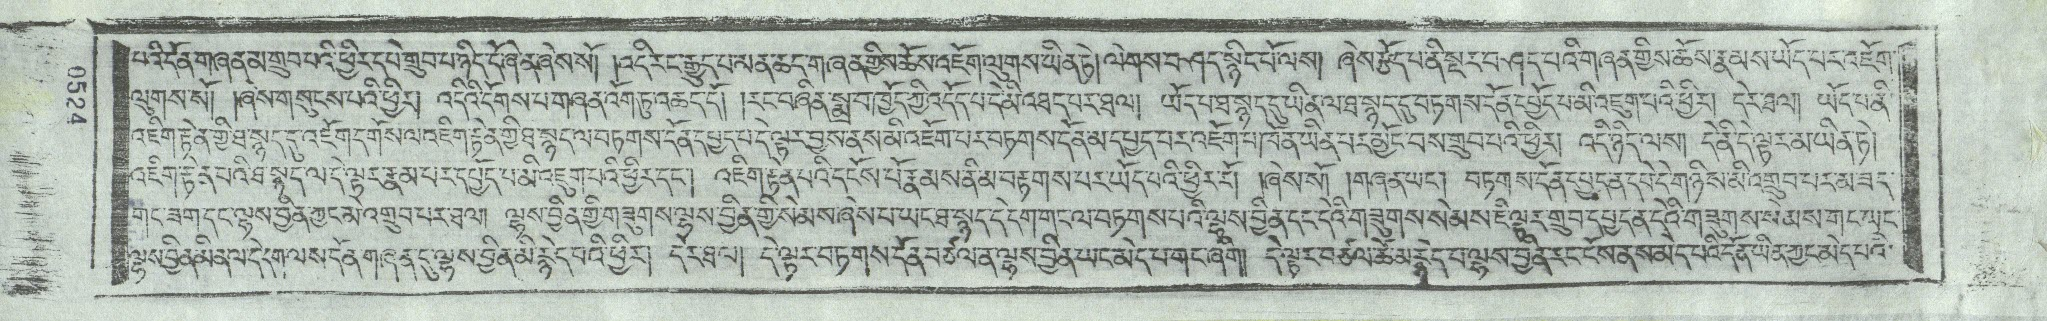པའི་དོན་གཞན་མ་གྲུབ་པའི་ཕྱིར་དཔེ་གྲུབ་པ་ཉིད་དོ་ཞེན་ཞེས་སོ། །འདི་རང་རྒྱུད་པ་མན་ཆད་གཞན་གྱིས་ཆོས་འཇོག་ལུགས་ཡིན་ཏེ། ལེགས་བཤད་སྙིང་པོ་ལས། ཞེས་རྩོད་པ་ནི་སྔར་བཤད་བའི་གཞན་གྱིས་ཆོས་རྣམས་ཡོད་པར་འཇོག་
ལུགས་སོ། །ཞེས་གསུངས་པའི་ཕྱིར། འདིའི་དོགས་པ་གཞམ་འོག་ཏུ་འཆད་དོ། །རང་བཞིན་སྨྲ་བ་ཁྱོད་ཀྱི་འདོད་པ་དེ་མི་འཐད་པར་ཐལ། ཡོད་པ་ཐ་སྙད་དུ་ཡིན་ལ་ཐ་སྙད་དུ་བཏགས་དོན་དཔྱོད་པ་མི་འཇུག་པའི་ཕྱིར། དེར་ཐལ། ཡོད་པ་ནི་
འཇིག་རྟེན་གྱི་ཐ་སྙད་དུ་འཇོག་དགོས་ལ་འཇིག་རྟེན་གྱི་ཐ་སྙད་ལ་བཏགས་དོན་དཔྱད་པ་དེ་ལྟར་བྱས་ནས་མི་འཇོག་པར་བཏགས་དོན་མ་དཔྱད་པར་འཇོག་པ་ཁོ་ན་ཡིན་པར་མྱོང་བས་གྲུབ་པའི་ཕྱིར། འདི་ཉིད་ལས། དེ་ནི་དེ་ལྟར་མ་ཡིན་ཏེ།
འཇིག་རྟེན་པའི་ཐ་སྙད་ལ་དེ་ལྟར་རྣམ་པར་དཔྱོད་པ་མི་འཇུག་པའི་ཕྱིར་དང་། འཇིག་རྟེན་པའི་དངོས་པོ་རྣམས་ནི་མ་བརྟགས་པར་ཡོད་པའི་ཕྱིར་རོ། །ཞེས་སོ། །གཞན་ཡང་། བཏགས་དོན་དཔྱད་ན་དཔེ་དེ་གཉིས་མི་འགྲུབ་པར་མ་ཟད་
གང་ཟག་དང་ལྷས་བྱིན་ཀྱང་མི་འགྲུབ་པར་ཐལ། ལྷས་བྱིན་གྱི་གཟུགས་ལྷས་བྱིན་གྱི་སེམས་ཞེས་པ་ཡང་ཐ་སྙད་དེ་དག་གང་ལ་བཏགས་པའི་ལྷས་བྱིན་དང་དེའི་གཟུགས་སེམས་ཇི་ལྟར་གྲུབ་དཔྱད་ན་དེའི་གཟུགས་སེམས་གང་ཡང་
ལྷས་བྱིན་མིན་ལ་དེ་དག་ལས་དོན་གཞན་དུ་ལྷས་བྱིན་མི་རྙེད་པའི་ཕྱིར། དེར་ཐལ། དེ་ལྟར་བཏགས་དོན་བཙལ་ན་ལྷས་བྱིན་ཡང་མེད་པ་གང་ཞིག། དེ་ལྟར་བཙལ་ཚེ་མ་རྙེད་པ་ལྷས་བྱིན་རང་ངོས་ནས་མེད་པའི་དོན་ཡིན་ཀྱང་མེད་པའི་